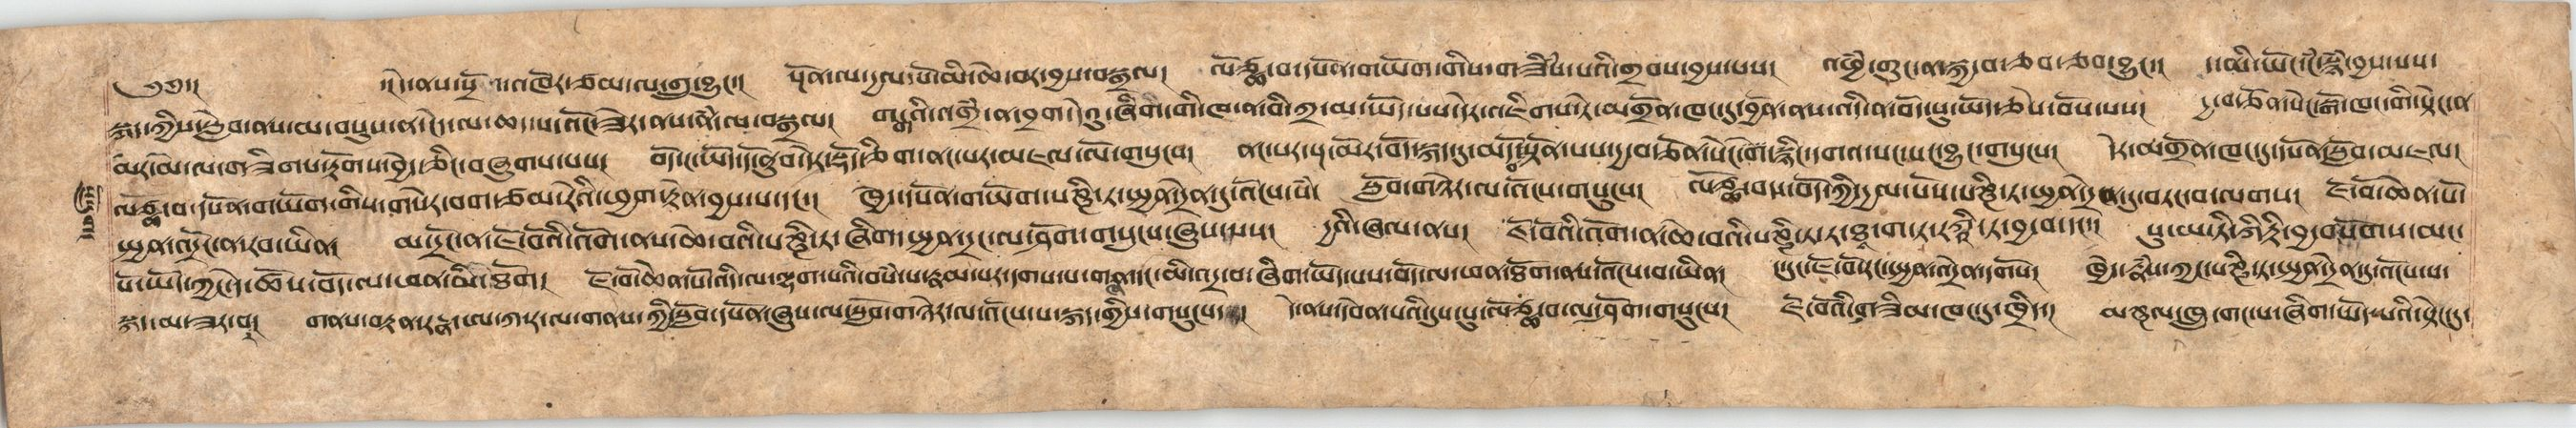་། དེ་ནས་སྲོལ་འཁོར་ཙམ་ན་གྲུ་བྱུང་། སྔོན་ལ་དྱལ་པོ་མི་ཆེ་བར་བྱས་བསྒྲལ། ལོཙྪ་བ་དཔོན་གཡོག་གིས་གཟིཾས་པའི་གྲབས་བྱས་པས། འཕྱཾ་གུང་ན་སྐྱ་བ་ཅབ་ཅབ་བྱུང་། ད་མི་ཡོང་ངཾ་སྙཾ་བྱས་པས་
སྐད་ཀྱིས་སླེབ་ནས་མ་བསུས་ན་ངེད་ལ་ཆད་པ་འོང་ཟེར་ནས་ནཾ་ལ་བསྒྲལ། གངྒའི་འགྲཾ་ན་བྲག་དེའུ་ཞིག་གི་ཁ་ན་བི་ཀྲ་མ་ཡོད་པས་དེར་འཇིགས་ཏེ་འགྲོན་ཁང་དུ་བྱོན་ནས་འདི་ན་བོད་སུ་ཡོད་ཅེས་བོས་པས། དྱ་བརྩོན་སེང་སྒོ་ཁང་གི་སྟེང་ན
མར་མེ་ལ་གཟིགས་རྟོགས་བྱེད་ཅིང་བཞུགས་པས། བོད་ང་ཡོད་དོ་ནུབ་དེར་སྡོད་ཅིག་ནང་པར་མཇལ་ལོ་གསུངས། ནང་བར་སྔ་མོར་བོད་སྐད་དུ་མདོ་བསྟོན་པས་དྱ་བརྩོན་སེང་གེ་སྙིང་དགའ་སང་སང་བྱུང་གསུངས། དེར་འགྲོན་ཁང་དུ་དཔོན་སློབ་མཇལ་
ལོཙྪ་བ་དཔོན་གཡོག་གིས་གསེར་བག་ཙམ་རེའི་ཕྱག་རྟེན་བྱས་པ་དང་། ཁྱེད་དཔོན་གཡོག་པཎྜི་ཏ་སྤྱན་དྲེན་དུ་འོངས་སཾ། སློབ་གཉེར་ལ་འོངས་གསུངས། ལོཙྪ་བས་བོད་ཀྱི་དྱལ་པོས་པཎྜི་ཏ་སྤྱན་དྲེན་དུ་བཏང་བ་ལགས། ཇོ་བོ་ཆེན་པོ་
སྤྱན་འདྲོང་ན་རབ་ཡིན། མ་དྲོང་ན་ཇོ་བོའི་འོག་ནས་ཆེ་བའི་པཎྜི་ཏ་ཞིག་སྤྱན་དྲང་ལ་ཤོག་གསུངས་ཞུས་པས། དྱའི་ཞལ་ནས། ཇོ་བོའི་འོག་ན་ཆེ་བའི་པཎྜི་ཏ་ཏ་ཐཱ་ག་ཏ་རཀྵི་ཏ་བྱ་བ་དང་། སུ་མ་ཏི་ཀིརྟི་བྱ་བསོགས་པ་མང་
པོ་ཡོད་ཀྱང་དེ་ཚོས་བོད་ལ་ཕན་མི་ཐོགས། ཇོ་བོ་ཆེན་པོ་འདི་ལ་ལྷག་པའི་བསཾ་པ་རྣམ་པར་དག་པ་གཞན་དང་མི་འདྲ་བ་ཞིག་ཡོད་པས་བོད་ལ་ཕན་ཐོགས་ནས་འོངས་བ་ཡིན། ད་དུང་ཇོ་བོ་རང་སྤྱན་འདྲེན་དགོས། ཁྱེད་རྣཾས་ཀྱང་པཎྜི་ཏ་སྤྱན་དྲེན་དུ་འོངས་པ་
སྐད་མ་ཟེར་བར། གནས་བརྟན་རདྣ་ཨ་ཀ་ར་ལ་གནས་ཀྱི་སློབ་དཔོན་ཞུས་ལ་སློབ་གཉེར་ལ་འོངས་པ་སྐད་ཀྱིས་གསུངས། དེ་ནས་དབེན་པའི་དུས་སུ་ལོཙྪ་བ་ལ་ཤོག་གསུངས། ཇོ་བོའི་གཟིམ་ཁང་དུ་ཁྲིད། མཎྜལ་ཁྲུ་གང་པ་ཞིག་ཡོད་པའི་སྟེང་དུ་